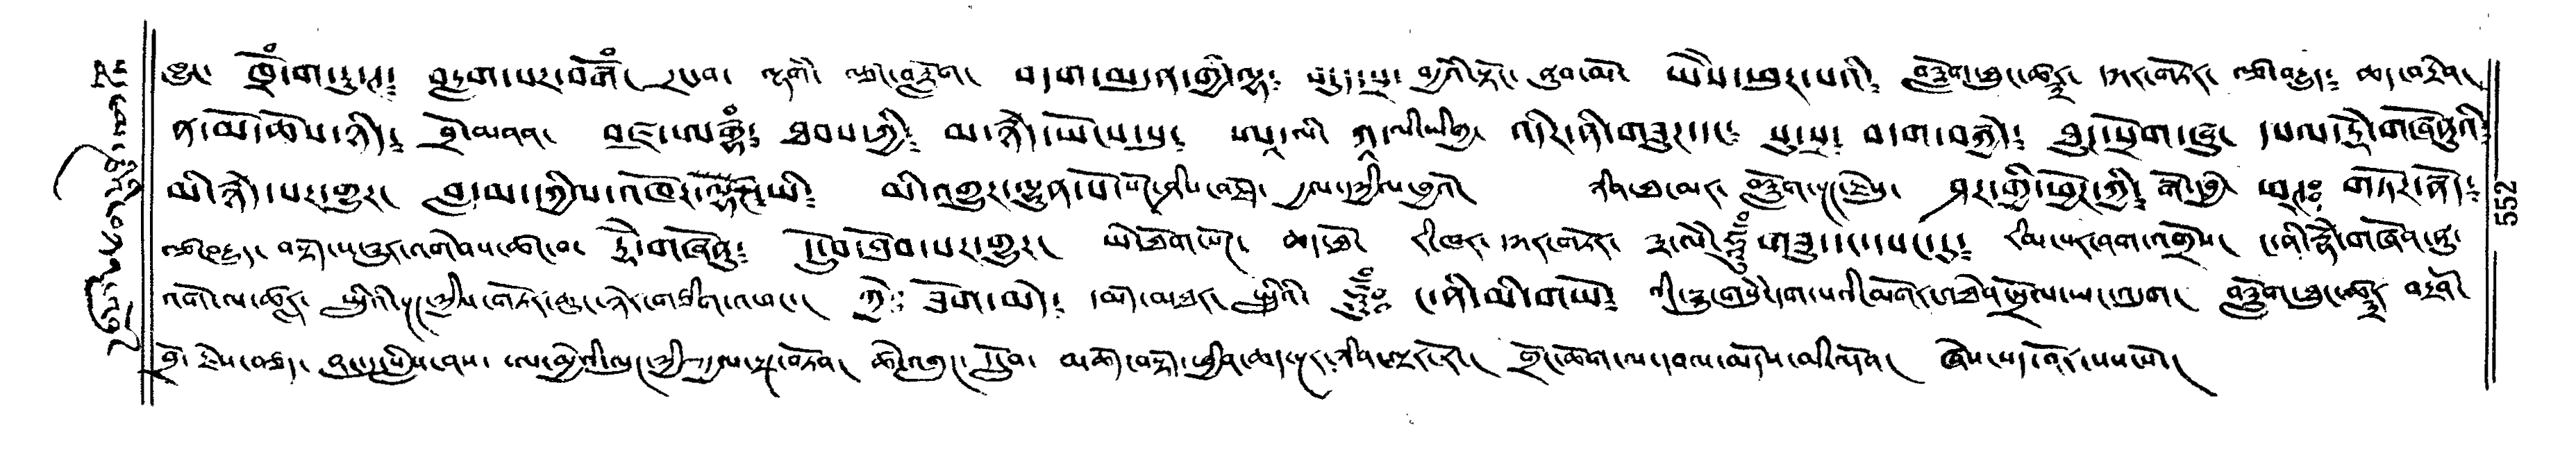ཁྱུང་། ཁྲོ་མ་ག་རུ་ཊ༴ བརླག་པར་བསྒོམ། དྲང་བ། ལྷག་གམ། རྩང་བཟློག བདག་མདུན་གྱི་ལྷ༴ བདུད་པྲ། བརྒྱའམ་སྟོང་། ནུབ་མོ། ཡེ་ཤེས་ཕུར་པའི༴ བཟློག་ཐུང་ཚར་གསུམ། དཀར་གཏོར། རྩ་བརྒྱུད། ཆད་བརྟན། 
ན་མོ་ཆོས་ཉིད༴ བྲོ་མནན། བཛྲ་ཨརྒྷཾ༴ ཐབས་ཀྱི༴ མ་རྙེད་ཡོངས་སུ༴ ཨཱ་ལི། ཀཱ་ལི། ཡིག་རྒྱ། འདིར་ནི་གཟུགས་དང༴ སུ་པྲ༴ བདག་བསྐྱེད༴ ཐུགས་སྲོག་ཞུ༴ དཔལ་རྡོ་རྗེ་གཞོན་ནུའི༴ 
མི་རྙེད་པར་གྱུར། བླ་མ་དཀྱིལ་འཁོར་ལྷ་ཚོགས་ཡི༴ མི་འགྱུར་ལྷུན་པོ༴ སོགས་ཤིས་བརྗོད། རྒྱལ་དཀྱིལ་བྱའོ། ཉིན་ཐ་མར། བཟློག་སྔགས་རྗེས་སུ། ཤར་གྱི་ཕྱོགས་ཀྱི༴སྒོ་དབྱེ། ཕཊཿ གཏོར་སྣོད༴ 
རྩ་བརྒྱུད། བསྟོད་པ་ཟུར་འགེབས་ཚང་བ། རྡོ་རྗེ་གཞོན་ནུ༴ དངོས་གྲུབ་ཐོབ་པར་གྱུར། ཡེ་ཐོག་སོགས། ཆད་ཐོ། རི་ཁར། དཀར་གཏོར། ཟ་ལམ། ཧཱུྃ༔ གཟུ་དང་དཔང་དུ༴ རིམ་པར་ནག་འགྲོས། ང་ནི་རྡོ་རྗེ་གཞོན་ནུ་
འགོ་ལ་ཚར་བཞི། སྤུ་གྲིའི་སྔགས་ཀྱིས་གཏོར་ཆུང་ཉེར་གཅིག་འཕང་། ཀྱེ༔ ཟག་མེད༴ དམོད་མཐར། སྤུ་གྲིའ ི། ཧཱུྃ༔ ང་ནི་མི་གཡོ༴ འདི་སྐུ་གསུམ་དག་པའི་མགོར་འཐེན་སྲོལ་ཡང་འདུག བཟློག་ཐུང་ཚར་གསུམ། བརྟན་མ་
བྲོ། རྗེས་བཅད། ནང་དུ་བསླེབས་ནས། ཨ་མྱེའི་ལུགས་ཀྱིས་རྒྱལ་རྟགས་འདོན། ཚེ་འགུགས། དངོས་གྲུབ། མཆོད་བསྟོད་ཕྱིན་ཆད་སྔ་ཉིན་ལྟར་རོ། གྲོང་ཆོག་ལ་དབལ་མདོས་མི་འདོན། ཞེས་པད་ནོར་པས་སོ།།